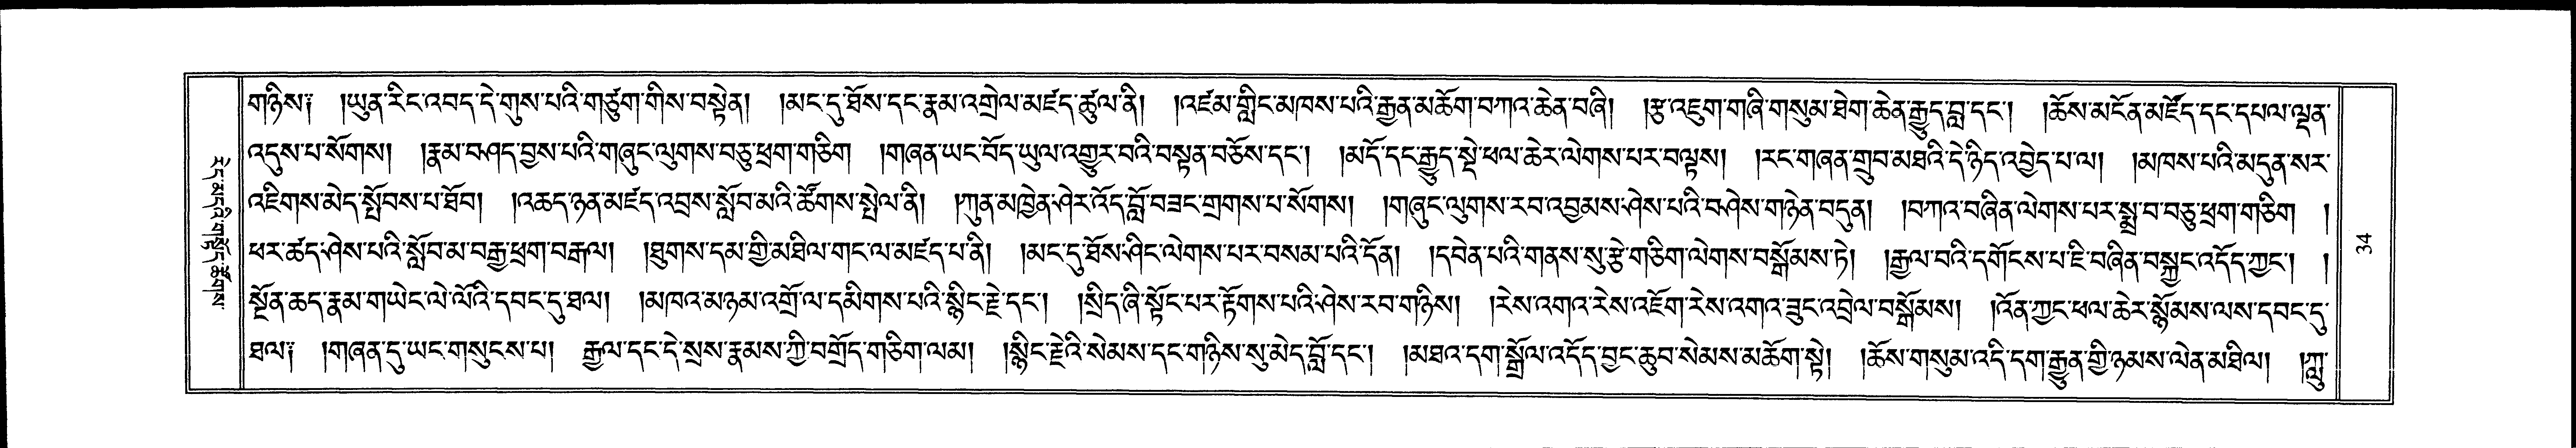གཉིས། །ཡུན་རིང་འབད་དེ་གུས་པའི་གཙུག་གིས་བསྟེན། །མང་དུ་ཐོས་དང་རྣམ་འགྲེལ་མཛད་ཚུལ་ནི། །འཛམ་གླིང་མཁས་པའི་རྒྱན་མཆོག་བཀའ་ཆེན་བཞི། །རྩ་འཇུག་གཞི་གསུམ་ཐེག་ཆེན་རྒྱུད་བླ་དང་། །ཆོས་མངོན་མཛོད་དང་དཔལ་ལྡན་
འདུས་པ་སོགས། །རྣམ་བཤད་བྱས་པའི་གཞུང་ལུགས་བཅུ་ཕྲག་གཅིག །གཞན་ཡང་བོད་ཡུལ་འགྱུར་བའི་བསྟན་བཅོས་དང་། །མདོ་དང་རྒྱུད་སྡེ་ཕལ་ཆེར་ལེགས་པར་བལྟས། །རང་གཞན་གྲུབ་མཐའི་དེ་ཉིད་འབྱེད་པ་ལ། །མཁས་པའི་མདུན་སར་
འཇིགས་མེད་སྤོབས་པ་ཐོབ། །འཆད་ཉན་མཛད་འབྲས་སློབ་མའི་ཚོགས་སྤེལ་ནི། །ཀུན་མཁྱེན་ཤེར་འོད་བློ་བཟང་གྲགས་པ་སོགས། །གཞུང་ལུགས་རབ་འབྱམས་ཤེས་པའི་བཤེས་གཉེན་བདུན། །བཀའ་བཞིན་ལེགས་པར་སྨྲ་བ་བཅུ་ཕྲག་གཅིག །
ཕར་ཚད་ཤེས་པའི་སློབ་མ་བརྒྱ་ཕྲག་བརྒལ། །ཐུགས་དམ་གྱི་མཐིལ་གང་ལ་མཛད་པ་ནི། །མང་དུ་ཐོས་ཤིང་ལེགས་པར་བསམ་པའི་དོན། །དབེན་པའི་གནས་སུ་རྩེ་གཅིག་ལེགས་བསྒོམས་ཏེ། །རྒྱལ་བའི་དགོངས་པ་ཇི་བཞིན་བསྐྱང་འདོད་ཀྱང་། །
སྔོན་ཆད་རྣམ་གཡེང་ལེ་ལོའི་དབང་དུ་ཐལ། །མཁའ་མཉམ་འགྲོ་ལ་དམིགས་པའི་སྙིང་རྗེ་དང་། །སྲིད་ཞི་སྟོང་པར་རྟོགས་པའི་ཤེས་རབ་གཉིས། །རེས་འགའ་རེས་འཇོག་རེས་འགའ་ཟུང་འབྲེལ་བསྒོམས། །འོན་ཀྱང་ཕལ་ཆེར་སྙོམས་ལས་དབང་དུ་
ཐལ། །གཞན་དུ་ཡང་གསུངས་པ། རྒྱལ་དང་དེ་སྲས་རྣམས་ཀྱི་བགྲོད་གཅིག་ལམ། །སྙིང་རྗེའི་སེམས་དང་གཉིས་སུ་མེད་བློ་དང་། །མཐའ་དག་སྒྲོལ་འདོད་བྱང་ཆུབ་སེམས་མཆོག་སྟེ། །ཆོས་གསུམ་འདི་དག་རྒྱུན་གྱི་ཉམས་ལེན་མཐིལ། །ཀླུ་